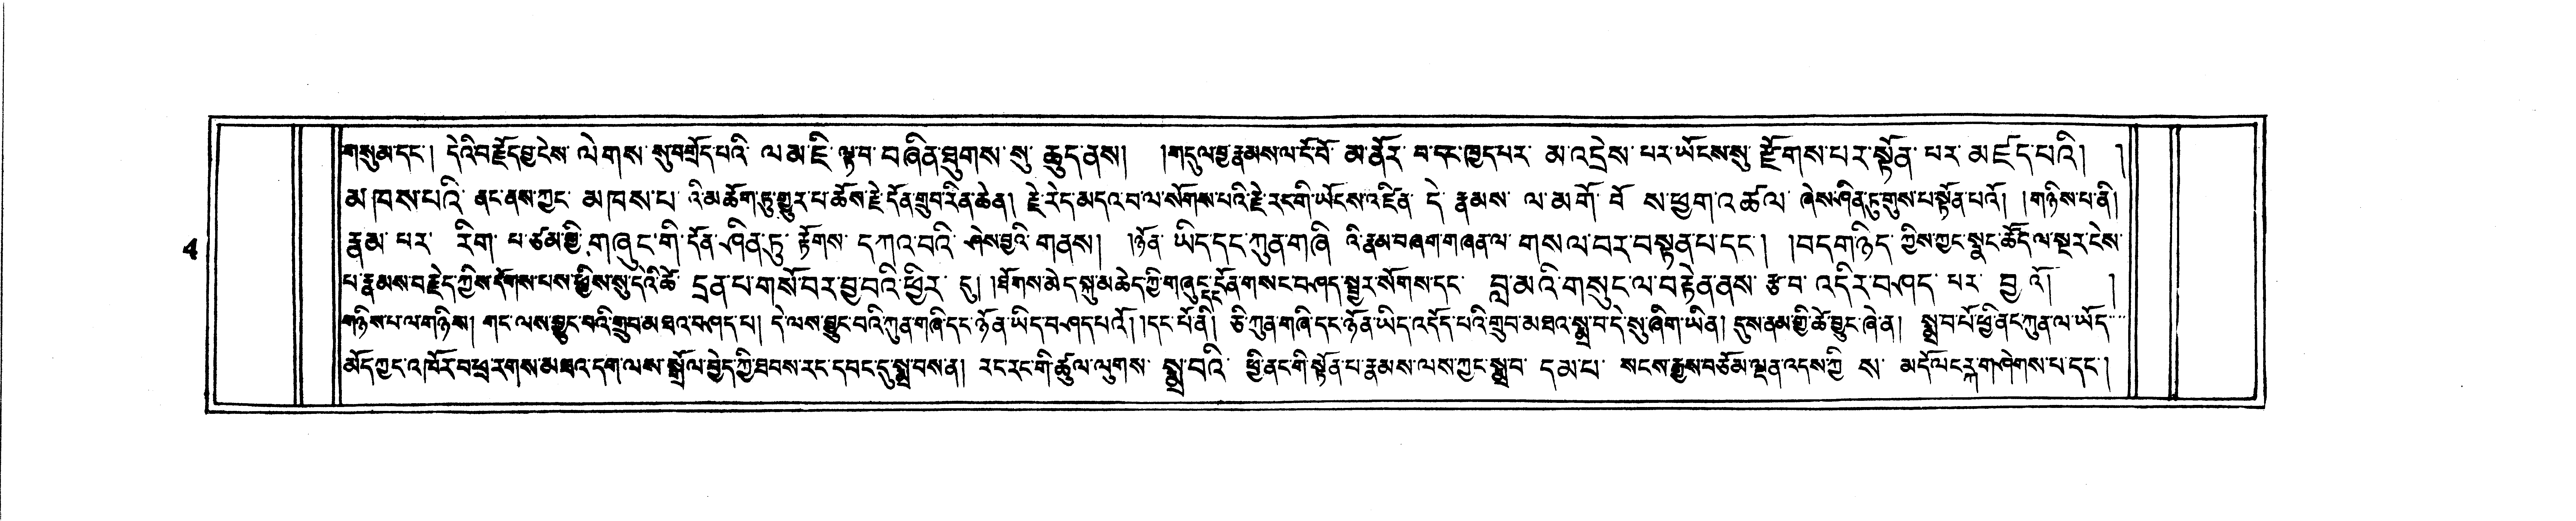གསུམ་དང་། དེའི་བརྗོད་བྱ་ངེས་ལེགས་སུ་བགྲོད་པའི་ལམ་ཇི་ལྟ་བ་བཞིན་ཐུགས་སུ་ཆུད་ནས། །གདུལ་བྱ་རྣམས་ལ་ངོ་བོ་མ་ནོར་བ་དང་ཁྱད་པར་མ་འདྲེས་པར་ཡོངས་སུ་རྫོགས་པར་སྟོན་པར་མཛད་པའི། །
མཁས་པའི་ནང་ནས་ཀྱང་མཁས་པའི་མཆོག་ཏུ་གྱུར་པ་ཆོས་རྗེ་དོན་གྲུབ་རིན་ཆེན། རྗེ་རེད་མདའ་བ་ལ་སོགས་པའི་རྗེ་རང་གི་ཡོངས་འཛིན་དེ་རྣམས་ལ་མགོ་བོས་ཕྱག་འཚལ་ཞེས་ཤིན་ཏུ་གུས་པ་སྟོན་པའོ། །གཉིས་པ་ནི།
རྣམ་པར་རིག་པ་ཙམ་གྱི་གཞུང་གི་དོན་ཤིན་ཏུ་རྟོགས་དཀའ་བའི་ཤེས་བྱའི་གནས། །ཉོན་ཡིད་དང་ཀུན་གཞིའི་རྣམ་བཞག་གཞན་ལ་གསལ་བར་བསྟན་པ་དང་། །བདག་ཉིད་ཀྱིས་ཀྱང་སྣང་ཚོད་ལ་སྔར་ངེས་
པ་རྣམས་བརྗེད་ཀྱིས་དོགས་པས་ཕྱིས་སུ་དེའི་ཚེ་དྲན་པ་གསོ་བར་བྱ་བའི་ཕྱིར་དུ། །ཐོགས་མེད་སྐུ་མཆེད་ཀྱི་གཞུང་དང་དོན་གསང་བཤད་སྦྱར་སོགས་དང་བླ་མའི་གསུང་ལ་བརྟེན་ནས་རྩ་བ་འདིར་བཤད་པར་བྱའོ། །
གཉིས་པ་ལ་གཉིས། གང་ལས་བྱུང་བའི་གྲུབ་མཐའ་བཤད་པ། དེ་ལས་བྱུང་བའི་ཀུན་གཞི་དང་ཉོན་ཡིད་བཤད་པའོ། །དང་པོ་ནི། ཅི་ཀུན་གཞི་དང་ཉོན་ཡིད་འདོད་པའི་གྲུབ་མཐའ་སྨྲ་བ་དེ་སུ་ཞིག་ཡིན། དུས་ནམ་གྱི་ཚེ་བྱུང་ཞེ་ན། སྨྲ་བ་པོ་ཕྱི་ནང་ཀུན་ལ་ཡོད་
མོད་ཀྱང་འཁོར་བ་ཕྲ་རགས་མཐའ་དག་ལས་སྒྲོལ་བྱེད་ཀྱི་ཐབས་རང་དབང་དུ་སྨྲ་བས་ན། རང་རང་གི་ཚུལ་ལུགས་སྨྲ་བའི་ཕྱི་ནང་གི་སྟོན་པ་རྣམས་ལས་ཀྱང་སྨྲ་བ་དམ་པ་སངས་རྒྱས་བཅོམ་ལྡན་འདས་ཀྱིས་མདོ་ལངརྐ་གཤེགས་པ་དང་།